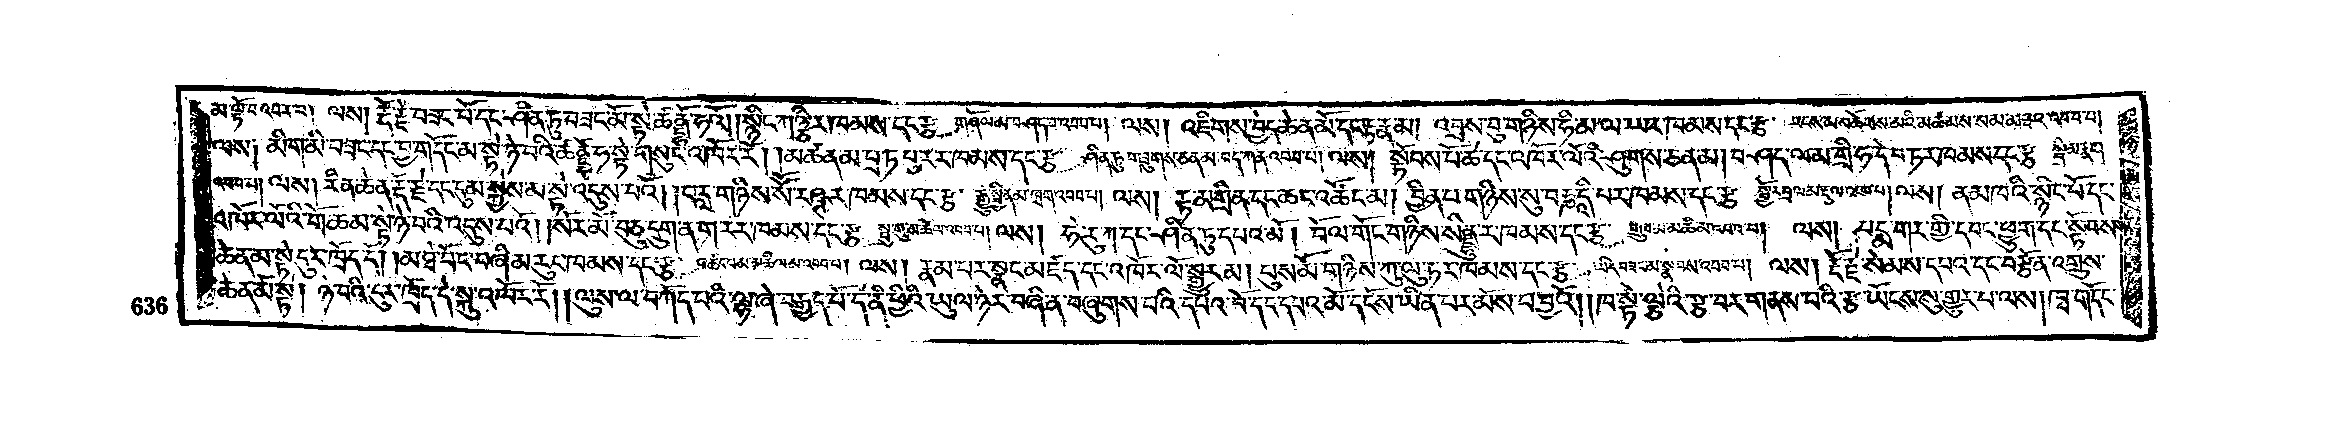མ་ལྟོ་བ་འབབ་པ། ལས། རྡོ་རྗེ་བཟང་པོ་དང་ཤིན་ཏུ་བཟང་མོ་སྟེ་ཚནྡྷོ་ཧའོ། །སྙིང་ཀཉྩི་ར་ཁམས་དང་རྩ་གཞོལ་མ་བཤད་བ་འབབ་པ། ལས། འཇིགས་བྱེད་ཆེན་མོ་དང་རྟ་རྣ་མ། འབྲས་བུ་གཉིས་ཧི་མ་ལ་ཡར་ཁམས་དང་རྩ་རངས་མ་མཚོགས་མའི་མཚམས་སམ་མཐའ་འབབ་པ།
ལས། མིག་མི་བཟང་དང་བྱ་གདོང་མ་སྟེ་ཉེ་བའི་ཚནྡྷོ་ཧ་སྟེ་གསུང་འཁོར་རོ། །མཚན་མ་པྲ་ཏ་པུ་རེ་ར་ཁམས་དང་རྩ་ཤིན་ཏུ་གཟུགས་ཅན་མ་བད་ཀན་འབབ་པ། ལས། སྟོབས་པོ་ཆེ་དང་འཁོར་ལོའི་ཤུགས་ཅན་མ། བཤད་ལམ་གྲི་ཧ་དེ་བ་ཏར་ཁམས་དང་རྩ་སྤྱི་མ་རྣག་
འབབ་པ། ལས། རིན་ཆེན་རྡོ་རྗེ་དང་དུམ་སྐྱེས་མ་སྟེ་འདུས་པའོ། །བརླ་གཉིས་སཽ་རཥྚར་ཁམས་དང་རྩ་རྒྱུ་སྦྱིན་མ་ཁྲག་འབབ་པ། ལས། རྟ་མགྲིན་དང་ཆང་འཚོང་མ། བྱིན་པ་གཉིས་སུ་བྲྞ་དཱི་པར་ཁམས་དང་རྩ་སྦྱོར་བྲལ་མ་རྡུལ་འབབ་པ། ལས། ནམ་མཁའི་སྙིང་པོ་དང་
འཁོར་ལོའི་གོ་ཆ་མ་སྟེ་ཉེ་བའི་འདུས་པའོ། །སོར་མོ་བཅུ་དྲུག་ན་ག་རར་ཁམས་དང་རྩ་སྡུ་བུ་མ་ཚོལ་འབབ་པ། ལས། ཧེ་རུ་ཀ་དང་ཤིན་ཏུ་དཔའ་མོ། བོལ་གོང་གཉིས་སིནྡྷུར་ཁམས་དང་རྩ་གྲུབ་མ་མཚིམ་འབབ་པ། ལས། པདམ་གར་གྱི་དབང་ཕྱུག་དང་སྟོབས་
ཆེན་མ་སྟེ་དུར་ཁྲོད་དོ། །མཐེ་བོང་བཞི་མ་རུང་ཁམས་དང་རྩ་འཚང་པ་མ་མཆིལ་མ་འབབ་པ། ལས། རྣམ་པར་སྣང་མཛད་དང་འཁོར་ལོ་སྒྱུར་མ། པུས་མོ་གཉིས་ཀུ་ལུ་ཏ་ར་ཁམས་དང་རྩ་ཡོད་བཟང་མ་སྣབས་འབབ་པ། ལས། རྡོ་རྗེ་སེམས་དཔའ་དང་བརྩོན་འགྲུས་
ཆེན་མོ་སྟེ། ཉེ་བའི་དུར་ཁྲོད་དེ་སྐུ་འཁོར་རོ། །ལུས་ལ་བཀོད་པའི་ལྷ་ཞེ་བརྒྱད་པོ་དེ་ནི་ཕྱིའི་ཡུལ་ཉེར་བཞི་ན་བཞུགས་པའི་དཔའ་བོ་དང་དཔའ་མོ་དངོས་ཡིན་པར་མོས་པ་བྱའོ། །ཁ་སྟེ་ལྕེའི་རྩ་བར་གནས་པའི་རྩ་ཡོངས་སུ་གྱུར་པ་ལས། ཁྭ་གདོང་